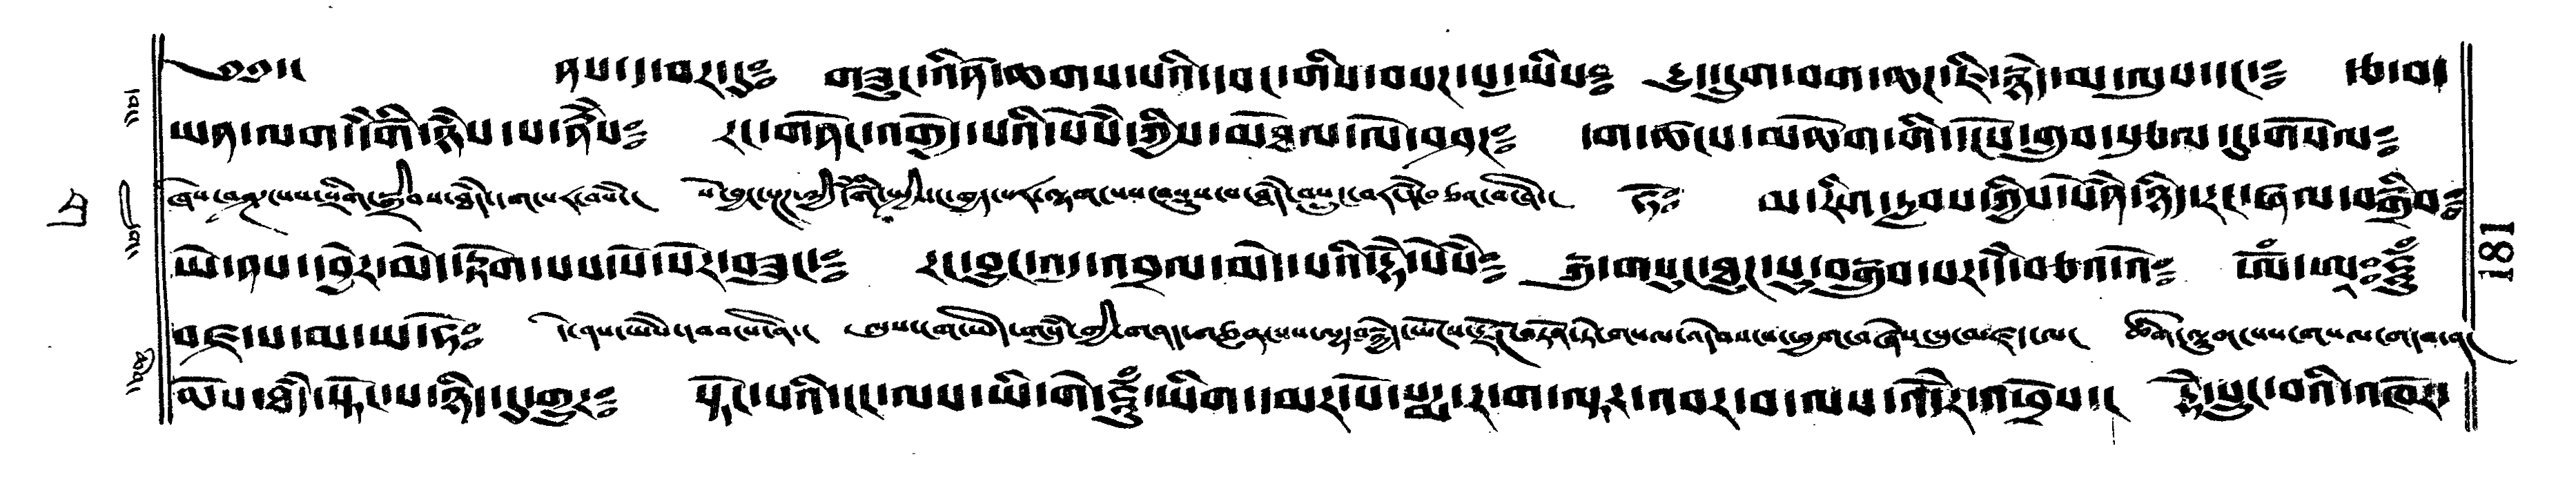ནས་ད་བར་དུ༔ གཟུང་འཛིན་ཆགས་པའི་དབང་གིས་བསགས་པ་ཡིས༔ རྒྱུ་དྲུག་བག་ཆགས་ཇི་སྙེད་མ་ལུས་དང༔ རྩ་བ་
ཡན་ལག་དམ་ཚིག་ཉམས་པ་རྣམས༔ རང་གནོང་འགྱོད་པའི་སེམས་ཀྱིས་མཐོལ་ལོ་བཤགས༔ དག་ཚངས་མཆོག་གི་དངོས་གྲུབ་རྩལ་དུ་གསོལ༔ 
ཞེས་བཤགས་པས་སྡིག་སྒྲིབ་ཐམས་ཅད་དག་པར་བསམ། སོ་བྱང་སྔགས་ཀྱི་དམ་ཚིག་སྤྱི་དང་ཁྱད་པར་ལྷག་པས་བསྡུས་བ་ཐམས་ཅད་བསྲུང་བར་དམ་བཅའ་པ་ནི། ཧོ༔ མ་རིག་རླབས་ཀྱིས་སེམས་ཉིད་རང་ཞལ་སྒྲིབ༔ 
ཡེ་ནས་དབྱེར་མེད་རྟོག་པས་སོ་སོར་གཟུང༔ རང་བྱུང་འདུ་འབྲལ་མེད་པའི་རྡོ་རྗེ་སེམས༔ སྐུ་གསུང་ཐུགས་སུ་བསྒྲུབ་པར་དམ་བཅའ་འོ༔ ཨོཾ་ཨཱཿཧཱུྃ་
བཛྲ་ས་མ་ཡ་ཧོཿ དེ་ནས་ཡེ་ཤེས་དབབ་པ་ནི་ལུས་ངག་ཡིད་གསུམ་གྱི་གནད་གཅུན་པས་ལྷ་བསྐྱེད་ཡོངས་རྫོགས་བཏོན་ཏེ་གསལ་འདེབས་པ་ཕྱག་བཞེས་སུ་མཛད་ལ། ཚིག་ལྷུག་པས་གསལ་གདབ་ན། 
ཆོས་ཐམས་ཅད་སྟོང་པ་ཉིད་དུ་གྱུར༔ སྟོང་པའི་ངང་ལས་ཡི་གེ་ཧཱུྃ་ཡིག་དམར་པོ་པདྨ་ར་ག་ལྟར་འབར་བ་ལས་འོད་ཟེར་འཕྲོས། རྡོ་རྗེ་སྲུང་བའི་འཁོར་